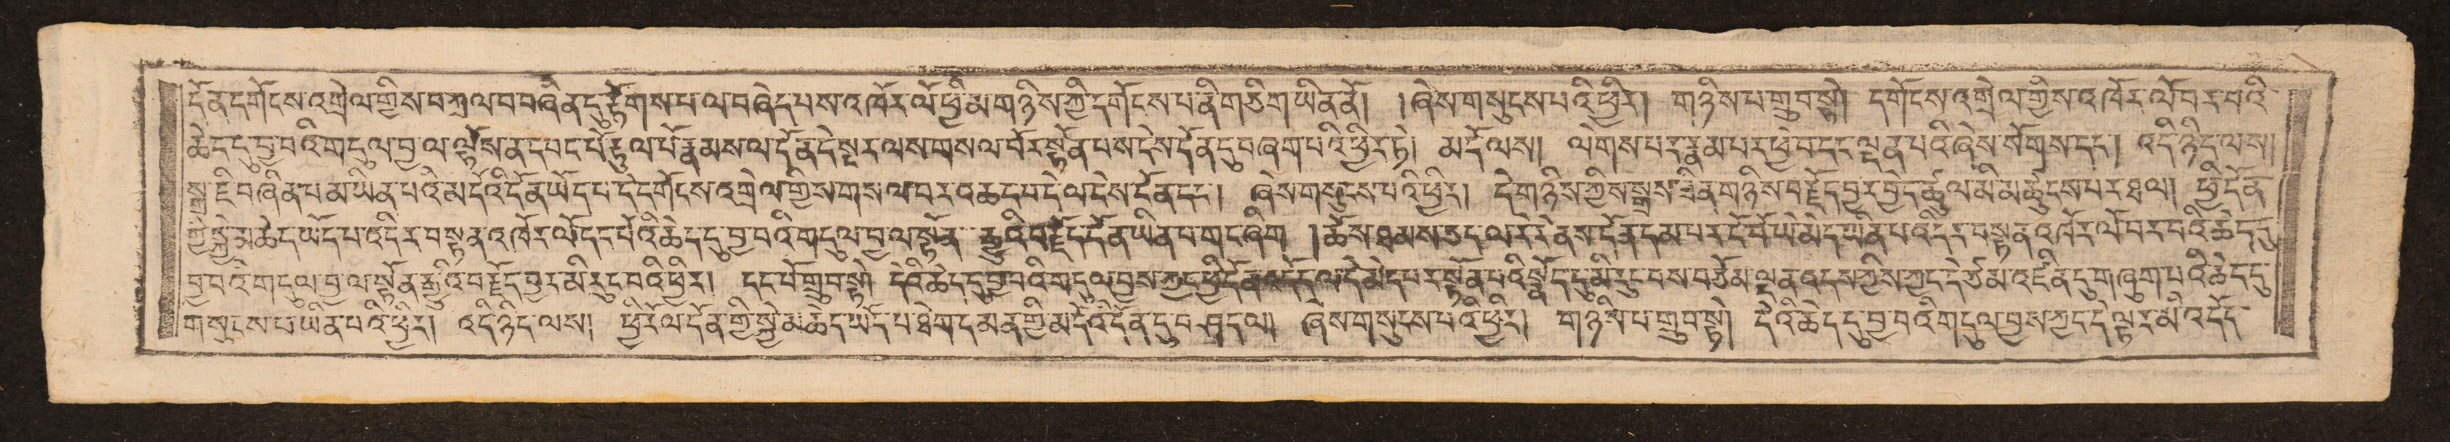དོན་དགོངས་འགྲེལ་གྱིས་བཀྲལ་བ་བཞིན་དུ་རྟོགས་པ་ལ་བཞེད་པས་འཁོར་ལོ་ཕྱི་མ་གཉིས་ཀྱི་དགོངས་པ་ནི་གཅིག་ཡིན་ནོ། །ཞེས་གསུངས་པའི་ཕྱིར། གཉིས་པ་གྲུབ་སྟེ། དགོངས་འགྲེལ་གྱིས་འཁོར་ལོ་བར་པའི་
ཆེད་དུ་བྱ་བའི་གདུལ་བྱ་ལ་ལྟོས་ན་དབང་པོ་རྟུལ་པོ་རྣམས་ལ་དོན་དེ་སྔར་ལས་གསལ་བོར་སྟོན་པས་ངེས་དོན་དུ་བཞག་པའི་ཕྱིར་ཏེ། མདོ་ལས། ལེགས་པར་རྣམ་པར་ཕྱེ་བ་དང་ལྡན་པའི་ཞེས་སོགས་དང་། འདི་ཉིད་ལས།
སྒྲ་ཇི་བཞིན་པ་མ་ཡིན་པའི་མདོའི་དོན་ཡོད་པ་དེ་དགོངས་འགྲེལ་གྱིས་གསལ་བར་འཆད་པ་དེ་ལ་ངེས་དོན་དང་། ཞེས་གསུངས་པའི་ཕྱིར། དེ་གཉིས་ཀྱིས་སྒྲས་ཟིན་གཉིས་བརྗོད་བྱར་བྱེད་ཚུལ་མི་མཚུངས་པར་ཐལ། ཕྱི་དོན་
གྱི་སྐྱེ་མཆེད་ཡོད་པ་འདིར་བསྟན་འཁོར་ལོ་དང་པོའི་ཆེད་དུ་བྱ་བའི་གདུལ་བྱ་ལ་སྟོན་རྒྱུའི་བརྗོད་དོན་ཡིན་པ་གང་ཞིག །ཆོས་ཐམས་ཅད་ལ་རེ་རེ་ནས་དོན་དམ་པར་ངོ་བོ་ཡེ་མེད་ཡིན་པ་འདིར་བསྟན་འཁོར་ལོ་བར་བའི་ཆེད་དུ་
བྱ་བའི་གདུལ་བྱ་ལ་སྟོན་རྒྱུའི་བརྗོད་བྱར་མི་རུང་བའི་ཕྱིར། དང་པོ་གྲུབ་སྟེ། དེའི་ཆེད་དུ་བྱ་བའི་གདུལ་བྱས་ཀྱང་ཕྱི་དོན་འདོད་ལ་དེ་མེད་པར་སྟོན་པའི་སྣོད་དུ་མི་རུང་བས་བཅོམ་ལྡན་འདས་ཀྱིས་ཀྱང་དེ་ཙམ་འཛིན་དུ་གཞུག་པའི་ཆེད་དུ་
གསུངས་པ་ཡིན་པའི་ཕྱིར། འདི་ཉིད་ལས། ཕྱི་རོལ་དོན་ཀྱི་སྐྱེ་མཆེད་ཡོད་པ་ཐེག་དམན་གྱི་མདོའི་དོན་དུ་བཤད་ལ། ཞེས་གསུངས་པའི་ཕྱིར། གཉིས་པ་གྲུབ་སྟེ། དེའི་ཆེད་དུ་བྱ་བའི་གདུལ་བྱས་ཀྱང་དེ་ལྟར་མི་འདོད་